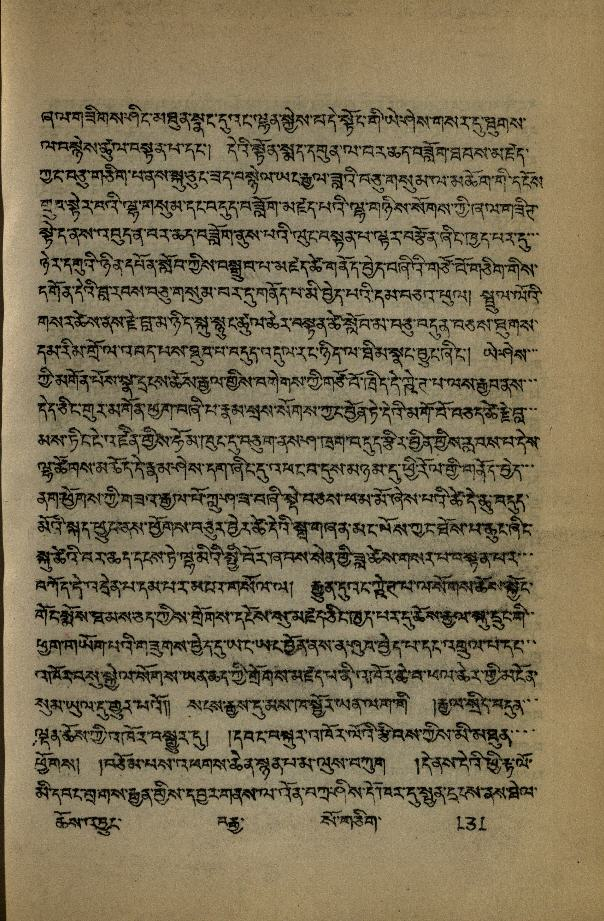ཞལ་གཟིགས་ཤིང་མཐུན་སྣང་དུའང་ལྷན་སྐྱེས་བདེ་སྟོང་གི་ཡེ་ཤེས་གསར་དུ་ཐུགས་
ལ་བསྙེས་ཚུལ་བསྟན་པ་དང་། དེའི་སྟོན་སྨད་དགུན་ལ་བར་ཆད་བཟློག་ཐབས་མཛད་
ཀྱང་བཅུ་གཅིག་པ་ནས་སྐུ་ཅུང་ཟད་བསྙེལ་ཡང་རྒྱལ་ཟླའི་བཅུ་གསུམ་ལ་མཆོག་གི་དངོས་
གྲུབ་སྟེར་བའི་ལྷ་གསུམ་དང་བདུད་བཟློག་མཛད་པའི་ལྷ་གཉིས་སོགས་ཀྱི་ཞལ་གཟིཊ་
སྟེ་ད་ནས་འབུད་ན་བར་ཆད་བཟློག་ནུས་པའི་ལུང་བསྟན་པ་ལྟར་བརྩོན་ཞིང་ཁྱད་པར་དུ་
ཉེར་དགུའི་ཉིན་དཔོན་སློབ་ཀྱིས་བསྒྲུབ་པ་མཛད་ཚེ་གནོད་བྱེད་བཞིའི་གཙོ་བོ་གཅིག་གིས་
དགོན་དེའི་བླ་རབས་བཅུ་གསུམ་བར་དུ་གནོད་པ་མི་བྱེད་པའི་དམ་བཅའ་ཕུལ། སྦྲུལ་ལོའི་
གསར་ཚེས་ནས་རྗེ་བླ་མ་ཉིད་སྐུ་སྙུང་ཚུལ་ཆེར་བསྟན་ཚེ་སློབ་མ་བཅུ་བདུན་བཅས་ཐུགས་
དམ་རིམ་གྲོ་ལ་འབད་པས་ཐུབ་པ་བདུད་འདུལ་རང་ཉིད་ལ་ཐིམ་སྣང་བྱུང་ཞིང་། ཡེ་ཤེས་
ཀྱི་མགོན་པོས་སྣ་དྲངས་ཆོས་རྒྱལ་གྱིས་བགེགས་ཀྱི་གཙོ་བོ་ཁྲིད་དེ་ཀྵེ་ཊ་པ་ལས་རྒྱབ་ནས་
དེད་ཅིང་གུར་མགོན་ཕྱག་བཞི་པ་རྣམ་སྲས་སོགས་ཀྱང་བྱོན་ཏེ་དེའི་མགོ་བོ་བཅད་ཚེ་རྗེ་བླ་
མས་ཏིང་ངེ་འཛིན་གྱིས་ཧོམ་ཁུང་དུ་བཅུག་ནས་ཤ་ཁྲག་བདུད་རྩིར་བྱིན་གྱིས་རླབས་པ་དེས་
ལྷ་ཚོགས་མཆོད་དེ་རྣམ་ཤེས་དག་ཞིང་དུ་འཕང་བ་དུས་མཉམ་དུ་ཕྱི་རོལ་གྱི་གནོད་བྱེད་
ནག་ཕྱོགས་ཀྱི་གཟའ་རྒྱལ་པོ་ཀླུ་ཤ་ཟ་བཞི་སྡེ་བཅས་ཕམ་མོ་ཞེས་པའི་ཚེ་དེ་ཆུ་བདུད་
མོའི་སྐད་ཕྱུང་ནས་ཕྱོགས་བཅུར་བྱེར་ཚེ་དེའི་སྒྲ་གཞན་མང་པོས་ཀྱང་ཐོས་པ་ཆུང་ཞིང་
སྐུ་ཚེའི་བར་ཆད་དངས་ཏེ་ལྷ་མིའི་སྤྱི་བོར་ཞབས་སེན་གྱི་ཟླ་ཚེས་གསར་པ་བསྟན་པར་
བཀོད་དེ་འདྲེན་པ་དམ་པར་མངའ་གསོལ་ལ། རྒྱུན་དུའང་ཀྵེ་ཊ་པ་ལ་སོགས་ཆོས་སྐྱོང་
གོང་སྨོས་ཐམས་ཅད་ཀྱིས་གྲོགས་དངོས་སུ་མཛད་ཅིང་ཁྱད་པར་དུ་ཆོས་རྒྱལ་སྐུ་དྲུང་གི་
ཕྱགས་གཡོག་པའི་གཟུགས་བྱེད་དུ་ཡང་ཡང་བྱོན་ནས་ན་ཤུབ་བྱེད་པ་དང་འགྲུལ་པ་དང་
འཁོར་བསུ་སྐྱེལ་སོགས་ཡན་ཆད་ཀྱི་གྲོགས་མཛད་པ་ནི་འཁོར་ཆེ་བ་ཕལ་ཆེར་གྱི་མངོན་
སུམ་ཡུལ་དུ་གྱུར་པའོ།། སངས་རྒྱས་དུ་མས་ཁ་སྦྱོར་ཡན་ལག་གི །རྒྱལ་སྲིད་བདུན་
ལྡན་ཆོས་ཀྱི་འཁོར་བསྒྱུར་དུ། །དབང་བསྐུར་འཁོར་ལོའི་རྩིབས་ཀྱིས་མི་མཐུན་
ཕྱོགས། །བཅོམ་པས་འཕགས་ཆེན་སྙན་པ་མ་ལུས་བཀུག །དེ་ནས་དེའི་ཨིཕྱི་རྟ་ལོ་
མི་དབང་གྲགས་རྒྱན་གྱིས་དབྱར་གནས་ལ་འོན་བཀྲ་ཤིས་དོ་ཁར་དུ་སྤྱན་དྲངས་ནས་ཐེལ་